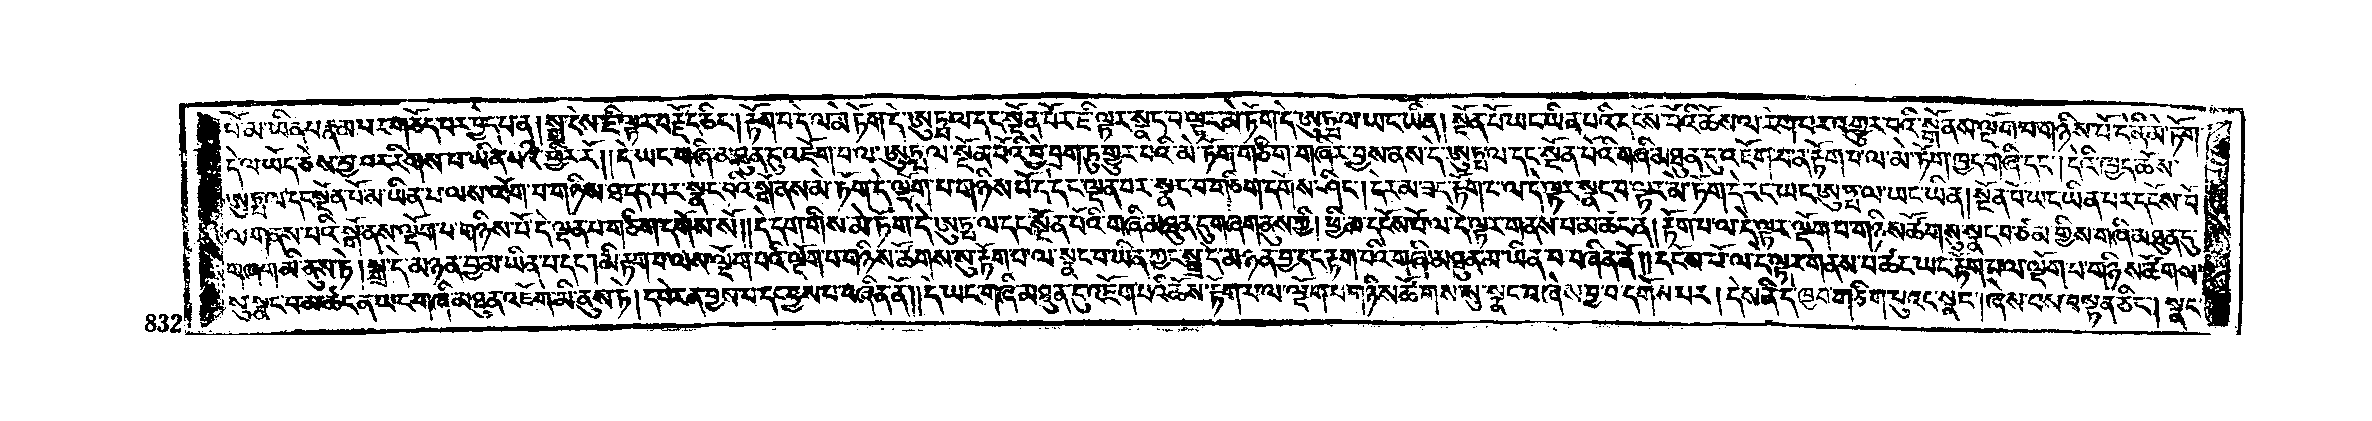པོ་མ་ཡིན་པ་རྣམ་པར་གཅོད་པར་བྱེད་པ་ན། སྒྲ་ངེས་ཇི་ལྟར་བརྗོད་ཅིང་། རྟོག་པ་དེ་ལ་མེ་ཏོག་དེ་ཨུཏྤ་ལ་དང་སྔོན་པོར་ཇི་ལྟར་སྣང་བ་ལྟར་མེ་ཏོག་དེ་ཨུཏྤ་ལ་ཡང་ཡིན། སྔོན་པོ་ཡང་ཡིན་པའི་དངོས་པོའི་ཆོས་ལ་རེག་པར་འགྱུར་བའི་སྒོ་ནས་ལྡོག་པ་གཉིས་པོ་དེ་ནི་མེ་ཏོག་
དེ་ལ་ཡོད་ཅེས་བྱ་བར་རིགས་པ་ཡིན་པའི་ཕྱིར་རོ། །དེ་ཡང་གཞི་མཐུན་དུ་འཇོག་པ་ལ་ཨུཏྤ་ལ་སྔོན་པོའི་བྱེ་བྲག་ཏུ་གྱུར་པའི་མེད་ཏོག་གཅིག་གཞིར་བྱས་ནས་དེ་ཨུཏྤ་ལ་དང་སྔོན་པོའི་གཞི་མཐུན་དུ་འཇོག་པ་ན་རྟོག་པ་ལ་མེད་ཏོག་ཁྱད་གཞི་དང་། དེའི་ཁྱད་ཆོས་
ཨུཏྤ་ལ་དང་སྔོན་པོ་མ་ཡིན་པ་ལས་ལོག་པ་གཉིས་ཐ་དད་པར་སྣང་བའི་སྒོ་ནས་མེ་ཏོག་དེ་ལྡོག་པ་གཉིས་པོ་དེ་དང་ལྡན་པར་སྣང་བ་གཅིག་དགོས་ཤིང་། དེར་མ་ཟད་རྟོག་པ་ལ་དེ་ལྟར་སྣང་བ་ལྟར་མེ་ཏོག་དེ་རང་ཡང་ཨུཏྤ་ལ་ཡང་ཡིན། སྔོན་པོ་ཡང་ཡིན་པར་དངོས་པོ་
ལ་གནས་པའི་སྒོ་ནས་ལྡོག་པ་གཉིས་པོ་དེ་ལྡན་པ་གཅིག་དགོས་སོ། །དེ་དག་གིས་མེ་ཏོག་དེ་ཨུཏྤ་ལ་དང་དངོན་པོའི་གཞི་མཐུན་དུ་གཞག་ནུས་ཀྱི། ཕྱི་མ་དངོས་པོ་ལ་དེ་ལྟར་གནས་པ་མ་ཚང་ན། རྟོག་པ་ལ་དེ་ལྟར་ལྡོག་པ་གཉིས་ཚོགས་སུ་སྣང་བ་ཙམ་གྱིས་གཞི་མཐུན་དུ་
གཞག་མི་ནུས་ཏེ། སྒྲ་དེ་མཉན་བྱ་མ་ཡིན་པ་དང་། མི་རྟག་པ་ལས་ལྡོག་པའི་ལྡོག་པ་གཉིས་ཚོགས་སུ་རྟོག་པ་ལ་སྣང་བ་ཡིན་ཀྱང་སྒྲ་དེ་མཉན་བྱ་དང་རྟག་པའི་གཞི་མཐུན་མ་ཡིན་པ་བཞིན་ནོ། །དངོས་པོ་ལ་དེ་ལྟར་གནས་པ་ཚང་ཡང་རྟོག་པ་ལ་ལྡོག་པ་གཉིས་ཚོགས་
སུ་སྣང་བ་མ་ཚང་ན་ཡང་གཞི་མཐུན་འཇོག་མི་ནུས་ཏེ། དཔེར་ན་བྱས་པ་དང་བྱས་པ་བཞིན་ནོ། དེ་ཡང་གཞི་མཐུན་དུ་འཇོག་པའི་ཆོས་རྟོག་པ་ལ་ལྡོག་པ་གཉིས་ཚོགས་སུ་སྣང་བ་ཞེས་བྱ་བ་དགོས་པར། དེས་ནི་དེ་ཁྱབ་གཅིག་པུའང་སྣང་། ཞེས་བས་བསྟན་ཅིང་། སྣང་